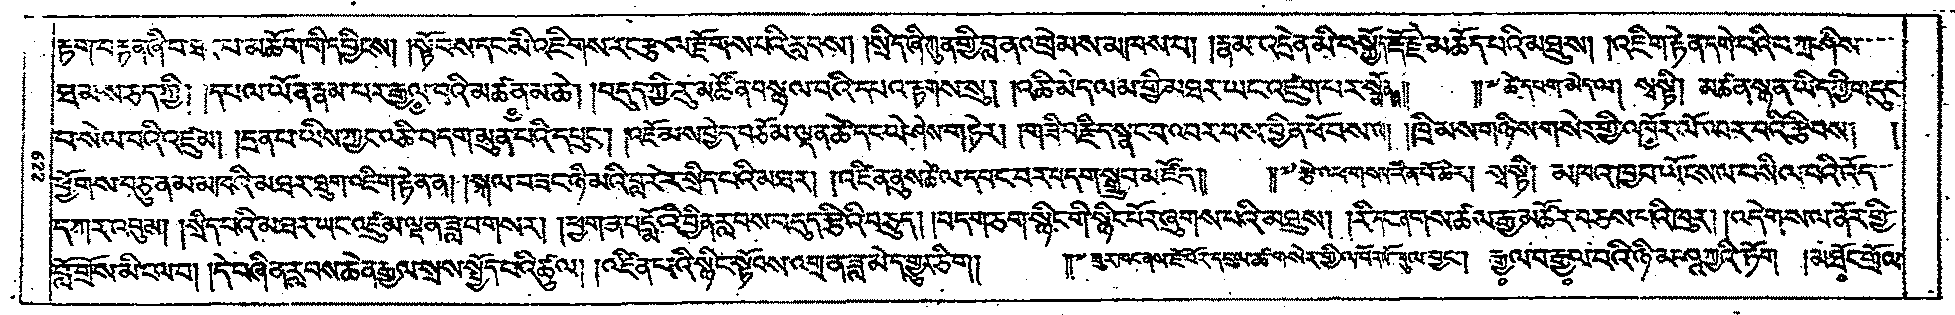རྟག་བརྟན་ཞི་བ་ཐར་པ་མཆོག་གི་དབྱིངས། །སྟོབས་དང་མི་འཇིགས་རང་རྩལ་རྫོགས་པའི་རླབས། །སྲིད་ཞི་ཀུན་གྱི་བླ་ན་འགྲེམས་མཁས་པ། །རྣམ་འདྲེན་མི་བསྐྱོད་རྡོ་རྗེ་མཆོད་པའི་མཐུས། །འཇིག་རྟེན་དགེ་བའི་བཀྲ་ཤིས་
ཐམས་ཅད་ཀྱི། །དཔལ་ཡོན་རྣམ་པར་རྒྱལ྾་བའི་མཚན྾་མ་ཆེ། །བདུད་ཀྱི་རུ་མཚོན་བསྙལ་བའི་དཔའ་རྟགས་སུ། །འཆི་མེད་ལམ་གྱི་མཐར་ཡང་འཛུག་པར་སྨོན།། །། ༧ཚེ་དཔག་མེད་ལ།  སྭ་སྟི། མཚན་སྙན་ཡིད་ཀྱི་གདུང་
བ་སེལ་བའི་འཛུམ། །དྲན་པ་ཡིས་ཀྱང་འཆི་བདག་མུན་པའི་དཔུང་། །འཇོམས་བྱེད་བཅོམ་ལྡན་ཚེ་དང་ཡེ་ཤེས་གཏེར། །གཟི་བརྗིད་སྣང་བ་འབར་བས་བྱིན་ཕོབས་ལ། །ཁྲིམས་གཉིས་གསེར་གྱི་འཁོར྾་ལོ་འབར་བའི་རྩིབས། །
ཕྱོགས་བཅུ་ནམ་མཁའི་མཐར་ཐུག་འཇིག་རྟེན་ན། །སྐལ་བཟང་ཉི་མའི་བླ་རེར་སྲིད་པའི་མཐར། །འཛིན་ནུས་ཚེ་ལ་དབང་བར་བདག་སྒྲུབ་མཛོད།། །། ༧རྩེ་འཕགས་པ་རིན་པོ་ཆེར།  སྭ་སྟི། མཁའ་ཁྱབ་ཡོངས་ལ་བསིལ་བའི་འོད་
དཀར་འབུམ། །སྲིད་པའི་མཐར་ཡང་འཛུམ་ལྡན་ཟླ་བ་གསར། །ཕྱག་ན་པདམོའི་བྱིན་རླབས་བདུད་རྩིའི་བཅུད། །བདག་ཅག་སྙིང་གི་སྙིང་པོར་ཞུགས་པའི་མཐུས། །རི་དང་ནགས་ཚལ་རྒྱ་མཚོར་བཅས་པའི་ཁུར། །འདེགས་ལ་ནོར་གྱི༩
བློ་གྲོས་མི་ངལ་བ། །དེ་བཞིན་རླབས་ཆེན་རྒྱལ་སྲས་སྤྱོད་པའི་ཚུལ། །འཛིན་པའི་སྙིང་སྟོབས་འགྲན་ཟླ་མེད་གྱུར་ཅིག ། །། ༧ཟུར་ཁང་ནས་ཇོ་བོར་དངུལ་ཚ་གསེར་གྱི་འཁོར་ལོ་ཕུལ་བྱང་།  རྒྱལ྾་བ་རྒྱལ྾་བའི་ཉི་མ་ཤཱཀྱའི་ཏོག །མཐོང྾་གྲོལ་